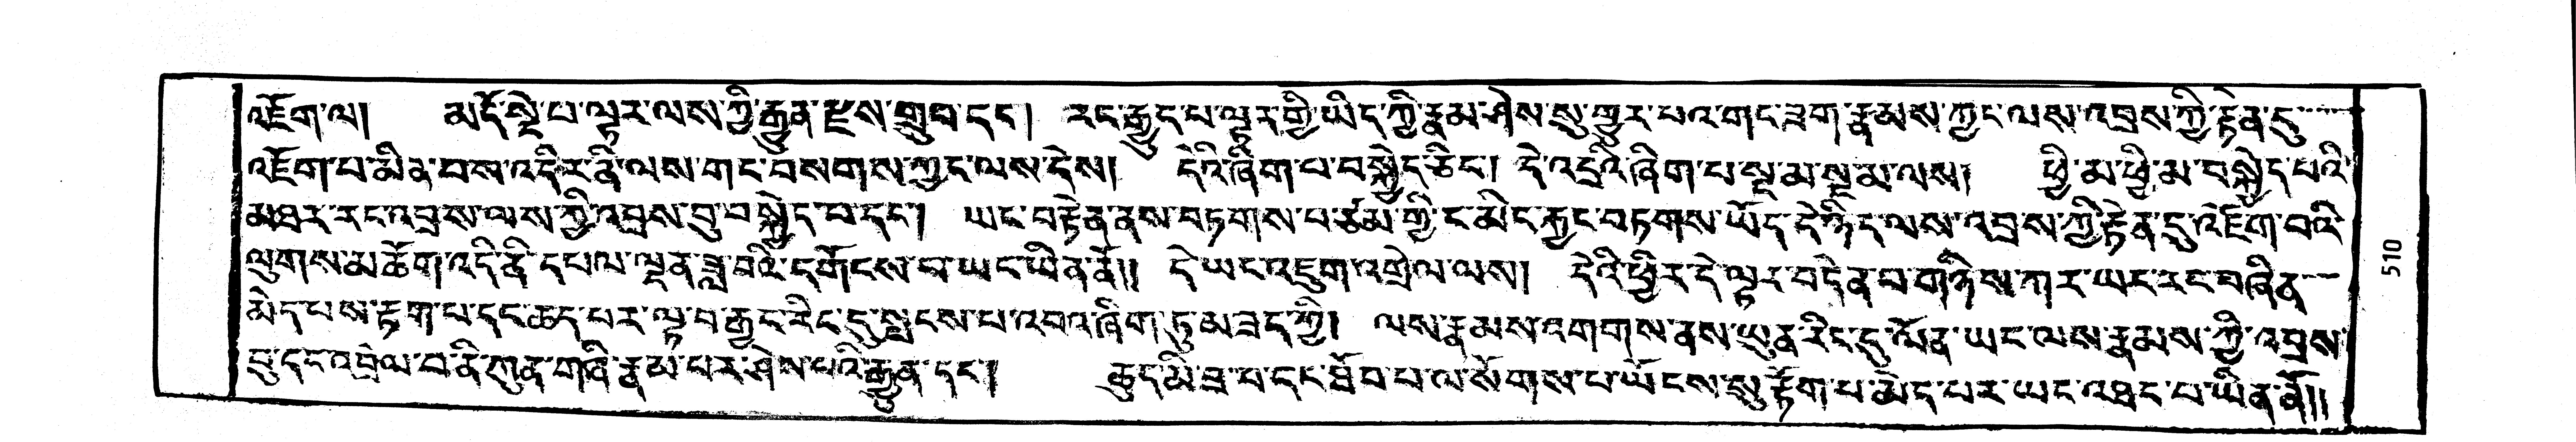འཇོག་ལ། མདོ་སྡེ་པ་ལྟར་ལས་ཀྱི་རྒྱུན་རྫས་གྲུབ་དང་། རང་རྒྱུད་པ་ལྟར་གྱི་ཡིད་ཀྱི་རྣམ་ཤེས་སུ་གྱུར་པའི་གང་ཟག་རྣམས་ཀྱང་ལས་འབྲས་ཀྱི་རྟེན་དུ་
འཇོག་པ་མིན་པས་འདིར་ནི་ལས་གང་བསགས་ཀྱང་ལས་དེས། དེའི་ཞིག་པ་བསྐྱེད་ཅིང་། དེ་འདྲའི་ཞིག་པ་སྔ་མ་སྔ་མ་ལས། ཕྱི་མ་ཕྱི་མ་བསྐྱེད་པའི་
མཐར་རང་འབྲས་ལས་ཀྱི་འབྲས་བུ་བསྐྱེད་པ་དང་། ཡང་བརྟེན་ནས་བཏགས་པ་ཙམ་གྱི་ང་མིང་རྐྱང་བཏགས་ཡོད་དེ་ཉིད་ལས་འབྲས་ཀྱི་རྟེན་དུ་འཇོག་པའི་
ལུགས་མཆོག་འདི་ནི་དཔལ་ལྡན་ཟླ་བའི་དགོངས་པ་ཡང་ཡིན་ནོ། །དེ་ཡང་འཇུག་འགྲེལ་ལས། དེའི་ཕྱིར་དེ་ལྟར་བདེན་པ་གཉིས་ཀར་ཡང་རང་བཞིན་
མེད་པས་རྟག་པ་དང་ཆད་པར་ལྟ་བ་རྒྱང་རིང་དུ་སྤངས་པ་འབའ་ཞིག་ཏུ་མ་ཟད་ཀྱི། ལས་རྣམས་འགགས་ནས་ཡུན་རིང་དུ་ལོན་ཡང་ལས་རྣམས་ཀྱི་འབྲས་
བུ་དང་འབྲེལ་བ་ནི་ཀུན་གཞི་རྣམ་པར་ཤེས་པའི་རྒྱུན་དང་། ཆུད་མི་ཟ་བ་དང་ཐོབ་པ་ལ་སོགས་པ་ཡོངས་སུ་རྟོག་པ་མེད་པར་ཡང་འཐད་པ་ཡིན་ནོ། །